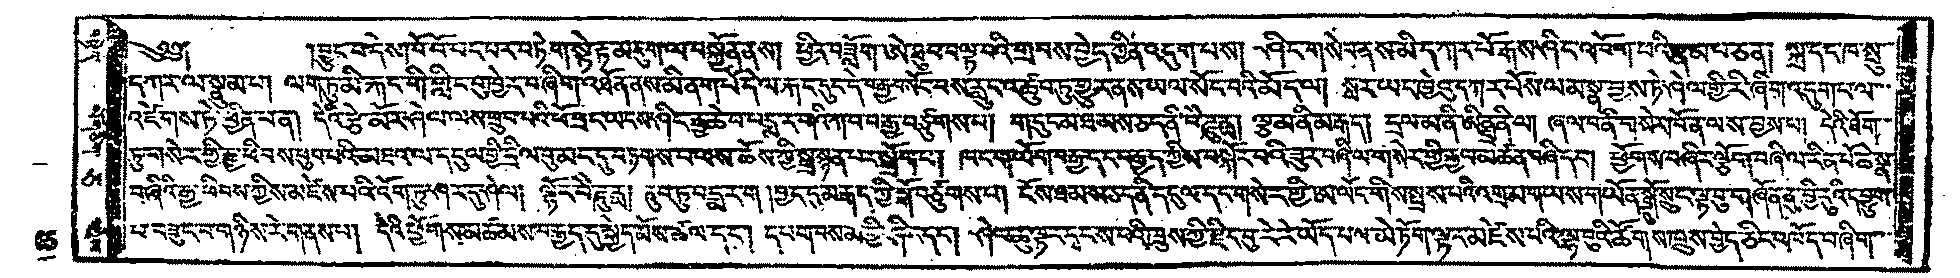༄༅། །བྱུང་བ་དེས་ཁོ་བོ་པང་པར་བཏེག་སྟེ་རྟ་མཇུག་ལ་བསྐྱོན་ནས། ཕྱིར་བཟློག་ཨེ་ཐུབ་བལྟ་བའི་གྲབས་བྱེད་ཀྱི་ན་འདུག་པས། ཤིང་གསེབ་ནས་མི་དཀར་པོ་རྒས་ཤིང་འཁོག་པའི་རྣམ་པ་ཅན། སྐྲ་དང་ཁ་སྤུ་
དཀར་ལ་སྣུམ་པ། ལག་ཏུ་མི་རྐང་གི་གླིང་བུ་ཁྱེར་བ་ཞིག་འཐོན་ནས་མི་ནག་པོ་དེ་ལ་རྐང་དུང་དེ་བརྒྱབ་སོང་བས་རླུང་འཚུབ་ཏུ་གྱུར་ནས་ཡལ་སོང་བའི་མོད་ལ། སླར་ཡང་ཁྱེའུ་དཀར་པོས་ལམ་སྣ་བྱས་ཏེ་ཤེལ་གྱི་རི་ཞིག་འདུག་པ་ལ་
འཛེགས་ཏེ་ཕྱིན་པ་ན། དེའི་རྩེ་མོར་ཤེལ་ལས་གྲུབ་པའི་ཕོ་བྲང་ཡངས་ཤིང་རྒྱ་ཆེ་བ་པདམ་ར་གའི་ཀ་བ་བརྒྱ་བཙུགས་པ། གདུང་མ་ཐམས་ཅད་ནི་བཻཌཱུ་རྱ། ལྕམ་ནི་མྲྒད། དྲལ་མ་ནི་ཨིནྡྲ་ནི་ལ། ཞལ་བ་ནི་གསེར་ཁོ་ན་ལས་བྱས་པ། དེའི་ཐོག་
ཏུ་གསེར་གྱི་རྒྱ་ཕིབས་ཕུབ་པའི་མཐའ་ལ་དངུལ་གྱི་དྲིལ་བུ་མང་དུ་བཏགས་པ་ལས་ཆོས་ཀྱི་སྒྲ་སྙན་པར་སྒྲོག་པ། ཁང་གཡོག་བརྒྱ་དང་བརྒྱད་ཀྱིས་བསྐོར་བའི་ཟུར་བཞི་ལ་གསེར་གྱི་རྒྱལ་མཚན་བཞི་དང་། ཕྱོགས་བཞིར་ལྕོག་བཞི་ལ་རིན་པོ་ཆེ་སྣ་
བཞིའི་རྒྱ་ཕིབས་ཀྱིས་མཛེས་པའི་འོག་ཏུ་ཤར་དུ་ཤེལ། ལྷོར་བཻཌཱུ་རྱ། ནུབ་ཏུ་པདམར་ག །བྱང་དུ་མྲྒད་ཀྱི་སྒོ་བཙུགས་པ། ངོས་ཐམས་ཅད་ནི་དངུལ་དང་གསེར་གྱི་ཨ་ལོང་གིས་སྤྲས་པའི་འགྲམ་གཡས་གཡོན་དུ་སྒོ་སྲུང་ལྟ་བུ་གཞོན་ནུ་བྱི་རུའི་དབྱུག་
པ་བཟུང་བ་གཉིས་རེ་གནས་པ། དེའི་ཕྱོགས་མཚམས་བརྒྱད་དུ་སྐྱེད་མོས་ཚལ་དང་། དཔག་བསམ་གྱི་ཤིང་དང་། ཤེལ་ཆུ་ལྟར་དྭངས་པའི་ཁྲུས་ཀྱི་རྫིང་བུ་རེ་རེ་ཡོད་པ་ལ་མེ་ཏོག་ལྟར་མཛེས་པའི་ལྷ་བུའི་ཚོགས་ཁྲུས་བྱེད་ཅིང་འཁོད་པ་ཞིག་